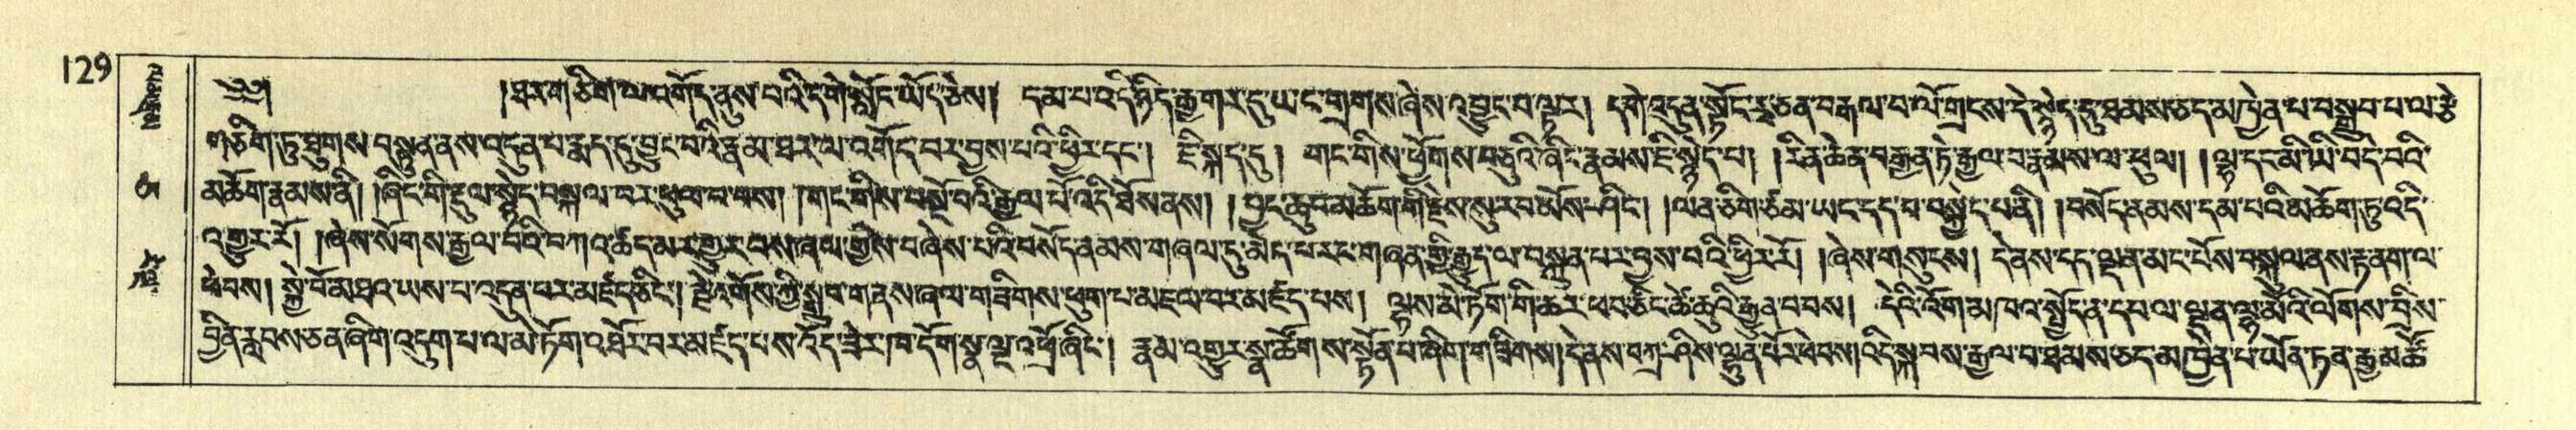༄༅། །ཐར་གཅིག་ལ་འགོད་ནུས་པའི་དགེ་སློང་ཡོད་ཅེས། དམ་པ་འདི་ཉིད་རྒྱ་གར་དུ་ཡང་གྲགས་ཞེས་འབྱུང་བ་ལྟར། དགེ་འདུན་སྟོང་རྭ་ཅན་བརྒལ་བ་ལོ་གྲངས་དེ་སྙེད་དུ་ཐམས་ཅད་མཁྱེན་པ་བསྒྲུབ་པ་ལ་རྩེ་
གཅིག་ཏུ་ཐུགས་བསྟུན་ནས་འདུན་པ་རྨད་དུ་བྱུང་བའི་རྣམ་ཐར་ལ་འགོད་བར་བྱས་པའི་ཕྱིར་དང་། ཇི་སྐད་དུ། གང་གིས་ཕྱོགས་བཅུའི་ཞིང་རྣམས་ཇི་སྙེད་པ། །རིན་ཆེན་བརྒྱན་ཏེ་རྒྱལ་བ་རྣམས་ལ་ཕུལ། །ལྷ་དང་མི་ཡི་བདེ་བའི་
མཆོག་རྣམས་ནི། །ཞིང་གི་རྡུལ་སྙེད་བསྐལ་བར་ཕུལ་བ་བས། །གང་གིས་བསྔོ་བའི་རྒྱལ་པོ་འདི་ཐོས་ནས། །བྱང་ཆུབ་མཆོག་གི་རྗེས་སུ་རབ་མོས་ཤིང་། །ལན་ཅིག་ཙམ་ཡང་དད་པ་བསྐྱེད་པ་ནི། །བསོད་ཉམས་དམ་པའི་མཆོག་ཏུ་འདི་
འགྱུར་རོ། །ཞེས་སོགས་རྒྱལ་བའི་བཀའ་ཚད་མར་གྱུར་བས་ཞལ་གྱིས་བཞེས་པའི་བསོད་ཉམས་གཞལ་དུ་མེད་པ་རང་གཞན་གྱི་རྒྱུད་ལ་བསྐྲུན་པར་བྱས་བའི་ཕྱིར་རོ། །ཞེས་གསུངས། དེ་ནས་དད་ལྡན་མང་པོས་བསྐུལ་ནས་རྟ་ནག་ལ་
ཕེབས། སྐྱེ་བོ་མཐའ་ཡས་པ་འདུན་པར་མཛད་ཅིང་། རྗེ་འགོས་ཀྱི་སྒྲུབ་གནས་ཞལ་གཟིགས་ཕུག་པ་མཇལ་བར་མཛད་པས། ལྷས་མེ་ཏོག་གི་ཆར་འཕབ་ཅིང་ཚེ་ཆུའི་རྒྱུན་བབས། དེའི་འོག་མཁའ་སྤྱོད་ན་དཔལ་ལྡན་ལྷ་མོའི་ལོགས་བྲིས་
བྱིན་རླབས་ཅན་ཞིག་འདུག་པ་ལ་མེ་ཏོག་འཐོར་བར་མཛད་པས་འོད་ཟེར་ཁ་དོག་སྣ་ལྔ་འཕྲོ་ཞིང་། རྣམ་འགྱུར་སྣ་ཚོགས་སྟོན་པ་ཞིག་གཟིགས། དེ་ནས་བཀྲ་ཤིས་ལྷུན་པོར་ཕེབས། འདི་སྐབས་རྒྱལ་བ་ཐམས་ཅད་མཁྱེན་པ་ཡོན་ཏན་རྒྱ་མཚོ་